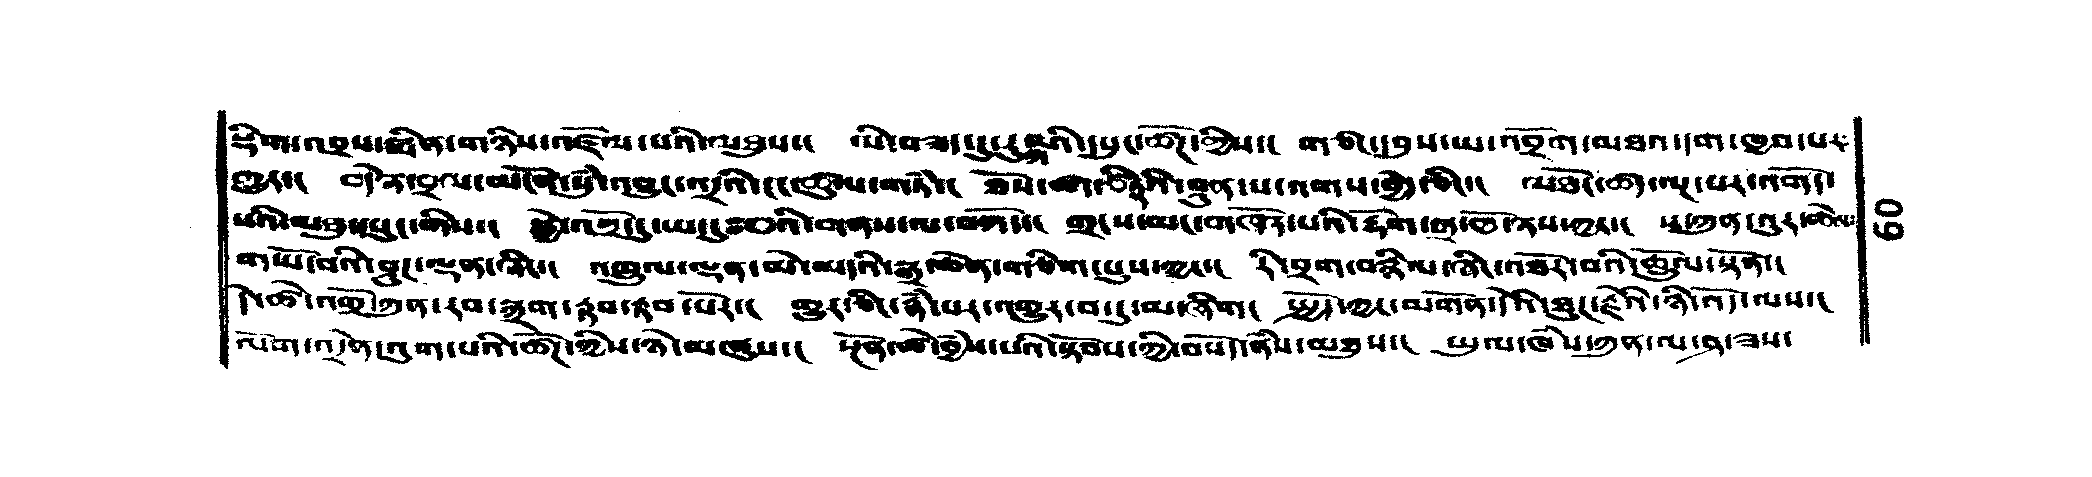སྡིག་འབྲས་སྨིན་གཉིས་འཛོམ་པའི་མཐུས། །མི་བཟད་དུ་རུ་ཀ་ཡི་དཔུང་ཚོགས་ཀྱིས། །གཙང་དབུས་ཡར་འབྲོག་མཐའ་དག་ཁྱབས་པར་
གྱུར། །བདེན་བྲལ་མངོན་སུམ་འབྱུང་འདྲའི་ངང་ཚུལ་གཏམ། །ཐོས་ཚད་ཙིཏྟའི་ཤུན་པ་འགས་བྱེད་ཅིང་། །མཐོང་ཚད་ལྔ་པར་འགོད་
པའི་མཐུ་དཔུང་གིས། །སྐྱེ་འགྲོ་དུ་མ་དུཿཁའི་གནས་ལ་བཀོད། །གྲངས་མང་གཞོན་པའི་རྡོག་སྒྲ་ཁོ་ནས་ཀྱང་། །ས་ཀུན་འུར་ཆེས་
གཡོ་བའི་ཤུགས་ལྡན་ཞིང་། །འཁྲུལ་ལྡན་མེ་མདའི་སྒྲ་ཆེན་གཅིག་པུས་ཀྱང་། །རི་བྲག་བརྙིལ་ཞིང་འཐོར་བའི་ཆོ་འཕྲུལ་སྟོན། །
དེ་ཚེ་འགྲོ་ཀུན་རབ་སྐྲག་རྟབ་རྟབ་པོར། །གྱུར་ཅིང་རྣམ་པར་འགྱུར་བ་དུ་མ་ཞིགསྤྱོད་ཀྱང་མགོན་དེའི་ཐུགས་རྗེའི་ཉི་འོད་ལས། །
ལོག་འདྲེན་འུག་པའི་ཚོགས་ཀྱིས་ཉེ་མ་ནུས། །སྔོན་ཚེ་བྱམས་པའི་སྟོབས་ཀྱི་བསོད་ནམས་མཐུས། །ཡུལ་ཁམས་ཀུན་ལ་ཤ་ཟས་